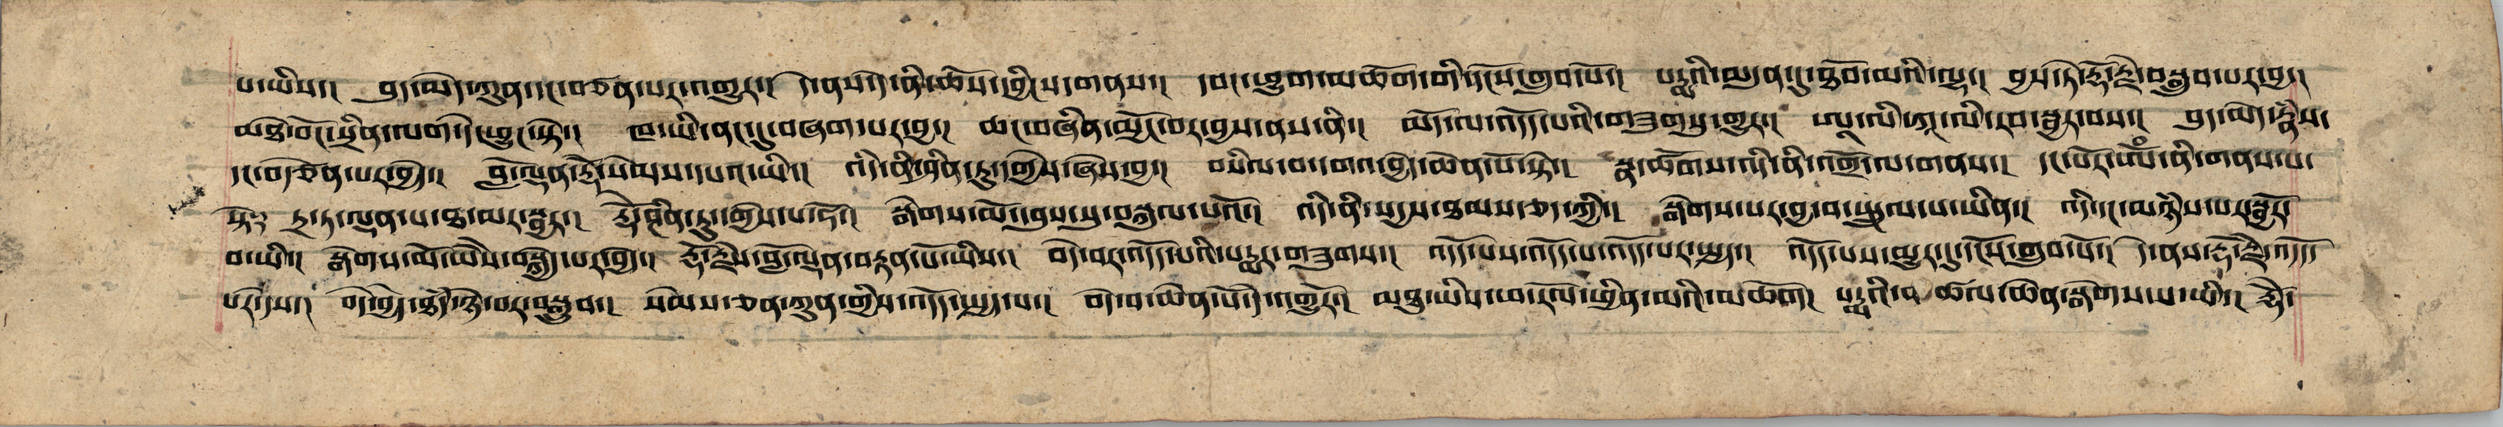པ་ཡིས་། བུད་མེད་ཀུན་དང་བཙན་པར་འགྱུར་། དེ་ནས་དེ་ནི་ཆོས་དབྱིངས་གནས་། དབང་ཕྱུག་མཆོག་གི་དངོས་གྲུབ་པོ་། པདྨའི་མདུན་དུ་ཐོབ་མའི་ལྷ་། བྱས་ཏེ་རྡོ་རྗེ་བསྒྲུབ་པར་བྱ་།
མཐེ་བོང་སྲིན་ལག་དེ་ཕྱུང་སྟེ་། ཁ་ཡི་ནང་དུ་བཞག་པར་བྱ་། ཆང་བཞིན་མྱོང་བར་བྱས་ནས་ནི་། མདོ་ལ་འདོད་པའི་གཟུགསུ་གྱུར་། ཨཱ་ལི་ཀཱ་ལི་རབ་སྦྱར་བས་། བུད་མེད་རྣཾས་
དང་བརྩོན་པར་བྱེད་། བློ་ལྡན་རྡོེ་སེམས་དཔའ་ཡི་། འདི་ནི་ཤིན་ཏུ་དགྱེས་ཞེས་བྱ་། བསིལ་བ་དགའ་བྱེད་ཆེན་པོ་སྟེ་། སྣ་ཚོགས་འདི་ནི་འགྲོ་ལ་གནས་། དང་པོར་ཨོཾ་ནི་གནས་པ་
སྟེ༑ ཏྲ་ཏ་ལྡན་པ་ཐ་མར་སྦྱར་། རྡོེ་ཤིན་ཏུ་དགྱེས་པ་ཧོ་། སྒེགས་མོ་དབུས་སུ་བསྐུལ་པའོ་། འདི་ནི་སདྱས་ཐམས་ཅད་ཀྱི་། སྒེགས་པར་བྱ་བ་སྤྲུལ་པ་ཡིན་། འདི་དང་མཉཾས་པར་སྦྱོར་
བ་ཡི་། སྒེགས་མོ་ཡཻས་བསྐྱེད་པར་བྱེད་། རྡོ་རྗེས་བློ་ལྡན་བརྟན་པོ་ཡིས་། བདེ་བར་འདོད་པའི་པདྨར་གཟུགས་། འདོད་པས་འདོད་པ་འདོད་པར་སྤྱད་། འདོད་པས་མྱུར་དུ་དངོས་གྲུབ་པོ་། དེ་ནས་རྡོ་རྗེ་འདོད་
པར་དེས་། བདེ་བྱེད་ཐཾད་ཉེ་བར་བསྒྲུབ་། སེམས་ཅན་ཀུན་གྱིས་འདོད་སྤྱད་པ་། བདེ་བ་ཆེན་པོ་དེ་འགྱུརོ་། མཐུ་ཡིས་ཕ་རོལ་ཕྱིན་མའི་མཆོག། པདྨའི་ཚལ་ཆེན་སྒེགས་པ་ཡི་། རྡོེ་